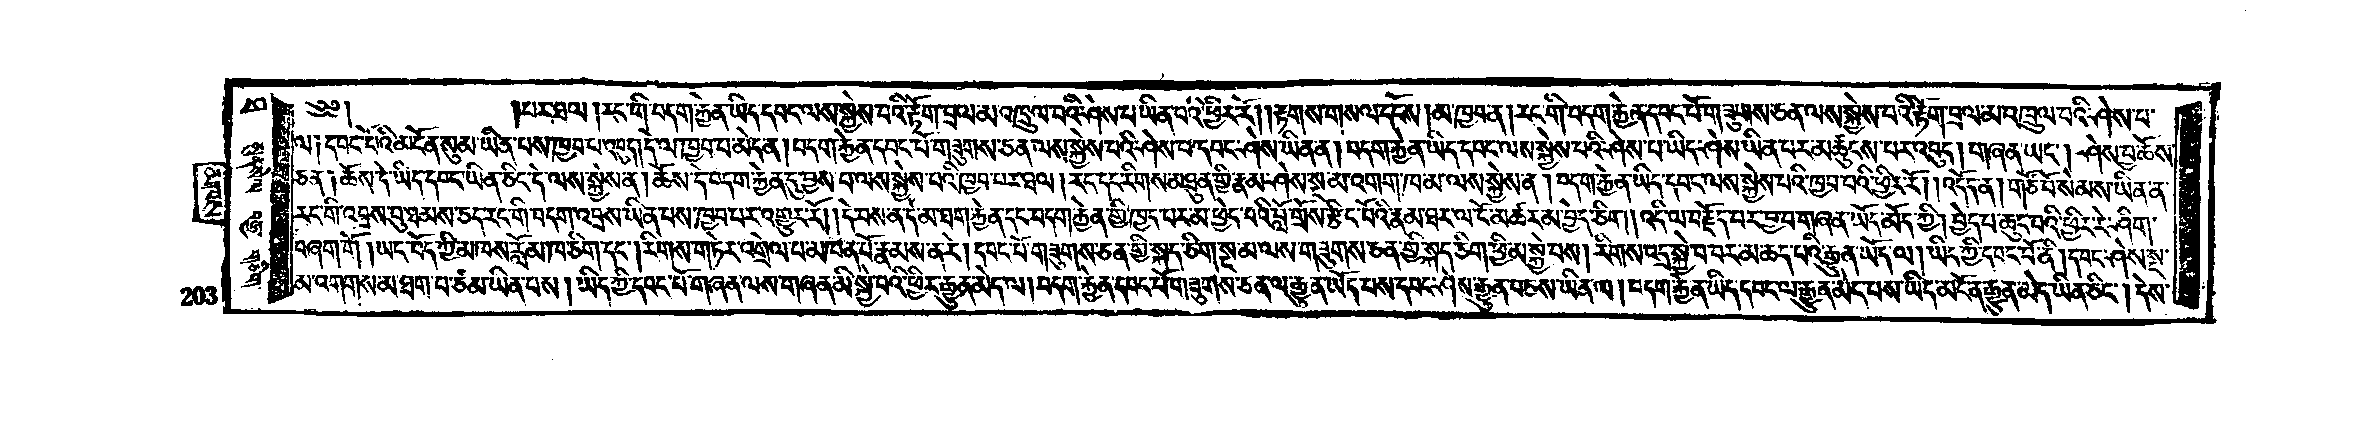༄༅། །པར་ཐལ། རང་གི་བདག་རྐྱེན་ཡིད་དབང་ལས་སྐྱེས་པའི་རྟོག་བྲལ་མ་འཁྲུལ་བའི་ཤེས་པ་ཡིན་པའི་ཕྱིར་རོ། །རྟགས་གསལ་དངོས་།མ་ཁྱབ་ན། རང་གི་བདག་རྐྱེན་དབང་པོ་གཟུགས་ཅན་ལས་སྐྱེས་པའི་རྟོག་བྲལ་མ་འཁྲུལ་བའི་ཤེས་པ་
ལ། དབང་པོའི་མངོན་སུམ་ཡིན་པས་ཁྱབ་པ་འབུད། དེ་ལ་ཁྱབ་པ་མེད་ན། བདག་རྐྱེན་དབང་པོ་གཟུགས་ཅན་ལས་སྐྱེས་པའི་ཤེས་པ་དབང་ཤེས་ཡིན་ན། བདག་རྐྱེན་ཡིད་དབང་ལས་སྐྱེས་པའི་ཤེས་པ་ཡིད་ཤེས་ཡིན་པར་མཚུངས་པར་འབུད། གཞན་ཡང་། ཤེས་བྱ་ཆོས་
ཅན། ཆོས་དེ་ཡིད་དབང་ཡིན་ཅིང་དེ་ལས་སྐྱེས་ན། ཆོས་དེ་བདག་རྐྱེན་དུ་བྱས་པ་ལས་སྐྱེས་པའི་ཁྱབ་པར་ཐལ། རང་དང་རིགས་མཐུན་གྱི་རྣམ་ཤེས་སྔ་མ་འགག་ཁ་མ་ལས་སྐྱེས་ན། བདག་རྐྱེན་ཡིད་དབང་ལས་སྐྱེས་པའི་ཁྱབ་པའི་ཕྱིར་རོ། །འདོད་ན། གཙོ་བོ་སེམས་ཡིན་ན་
རང་གི་འབྲས་བུ་ཐམས་ཅད་རང་གི་བདག་འབྲས་ཡིན་པས་ཁྱབ་པར་འགྱུར་རོ། །དེ་བས་ན་དེ་མ་ཐག་རྐྱེན་དང་བདག་རྐྱེན་གྱི་ཁྱད་པར་མ་ཕྱེད་པའི་བློ་གྲོས་རྩིང་པོའི་རྣམ་ཐར་ལ་ངོ་མཚར་མ་བྱེད་ཅིག །འདི་ལ་བརྗོད་པར་བྱ་བ་གཞན་ཡོད་མོད་ཀྱི། བྱེད་པ་ཆུང་བའི་ཕྱིར་རེ་ཤིག་
བཞག་གོ །ཡང་བོད་ཀྱི་མཁས་རློམ་ཁ་ཅིག་དང་། རིགས་གཏེར་འགྲེལ་པ་མཁན་པོ་རྣམས་ན་རེ། དབང་པོ་གཟུགས་ཅན་གྱི་སྐད་ཅིག་སྔ་མ་ལས་གཟུགས་ཅན་གྱི་སྐད་ཅིག་ཕྱི་མ་སྐྱེ་བས། རིགས་འདྲ་སྐྱེ་བ་བར་མ་ཆད་པའི་རྒྱུན་ཡོད་ལ། ཡིད་ཀྱི་དབང་པོ་ནི། དབང་ཤེས་སྔ་
མ་འགགས་མ་ཐག་པ་ཙམ་ཡིན་པས། ཡིད་ཀྱི་དབང་པོ་གཞན་ལས་གཞན་མི་སྐྱེ་བའི་ཕྱིར་རྒྱུན་མེད་ལ། བདག་རྐྱེན་དབང་པོ་གཟུགས་ཅན་ལ་རྒྱུན་ཡོད་པས་དབང་ཤེས་རྒྱུན་བཅས་ཡིན་ལ། བདག་རྐྱེན་ཡིད་དབང་ལ་རྒྱུན་མེད་པས་ཡིད་མངོན་རྒྱུན་མེད་ཡིན་ཅིང་། དེས་